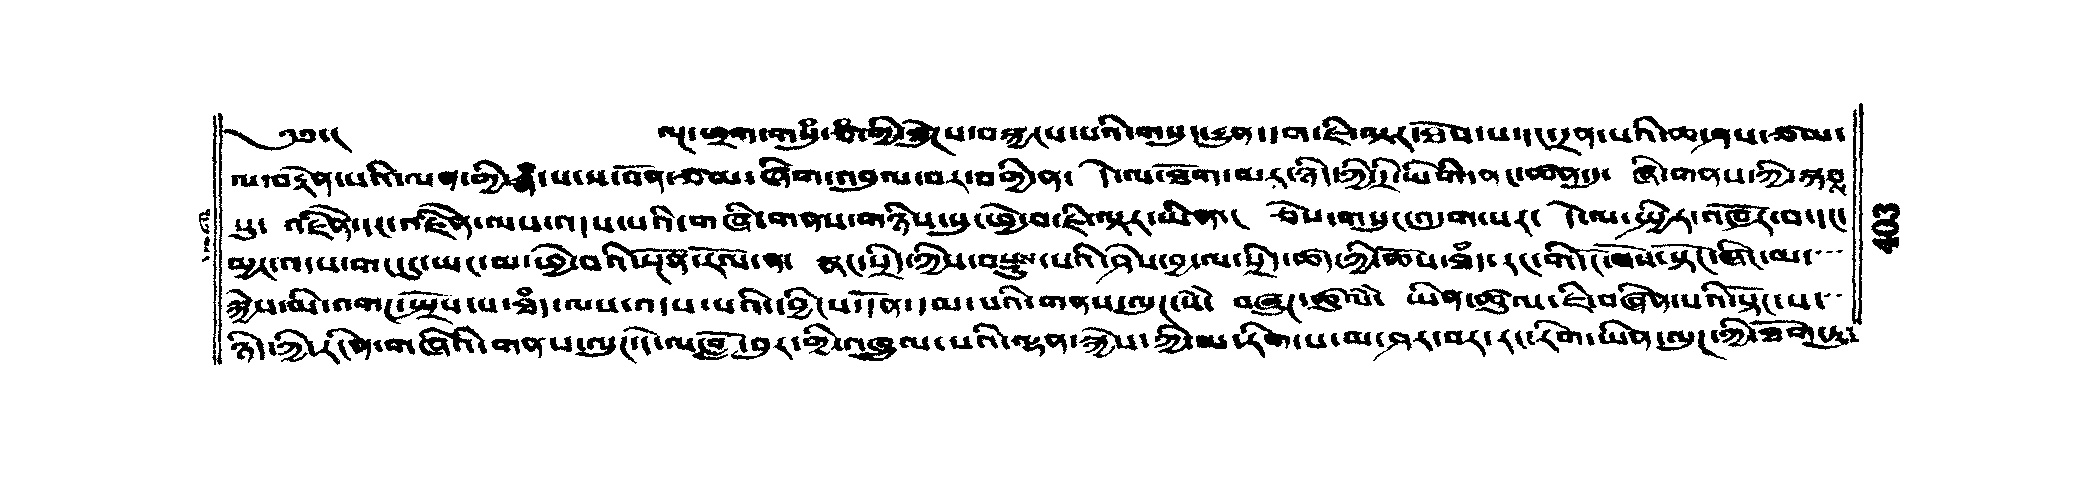ལྔ་ཕྲག་གསུམ་ཙམ་གྱི་ཐུགས་རྗེས་བསྐྱངས་པའི་གསུང་རྒྱུན་དག་ཇི་ལྟར་ཐོས་པ་དང་དྲན་པའི་ཆ་ཤས་ཙམ་
ལ་བརྟེན་པའི་ལན་གྱི་རྣམ་པ་ས་བོན་ཙམ་་ཞིག་འབུལ་བར་བགྱི་ན། དེ་ལ་ཐོག་མར་ཉིད་ཀྱི་དྲི་ཡིག་གི་ནང་ཚན་དུ། ཞི་གནས་ཀྱི་སྐབས་
སུ། འཇིག་རྟེན་དང་འཇིག་རྟེན་ལས་འདས་པའི་གཞི་གནས་གཉིས་སུ་ཕྱེ་བ་ཇི་ལྟར་ཡིན། ཅེས་གསུངས་འདུག་པར། དེ་ལ་སྤྱིར་འཁོར་བ་དང་
མྱང་འདས་གང་དུ་ཡང་མ་ཕྱེ་བའི་སྔོན་རོལ་ན། སྣང་སྲིད་ཀྱིས་བསྡུས་པའི་ཤེས་བྱ་ལ་སྲིད་ཚད་ཀྱི་ཆོས་ཐམས་ཅད་རང་གི་ངོ་བོས་སྟོང་ཞིང་མ་
སྐྱེ་མི་འགག་སྤྲོས་པ་ཐམས་ཅད་ལས་འདས་པའི་དབྱིངས་དོན་དམ་པའི་གནས་ལུགས་སམ། བཞུགས་ཚུལ་ལམ།ཡིན་ཚུལ་ཇི་བཞིན་པའི་སྟོང་པ་
ཉིད་ཀྱི་རང་བཞིན་གཞིའི་གནས་ལུགས་དེ་ལ་བློ་བུར་གྱི་འཁྲུལ་པའི་ལྷན་སྐྱེས་ཀྱི་མ་རིག་པ་མ་ཤར་བར་རང་རིག་ཡིན་ལུགས་ཀྱི་ཐོག་ཏུ་